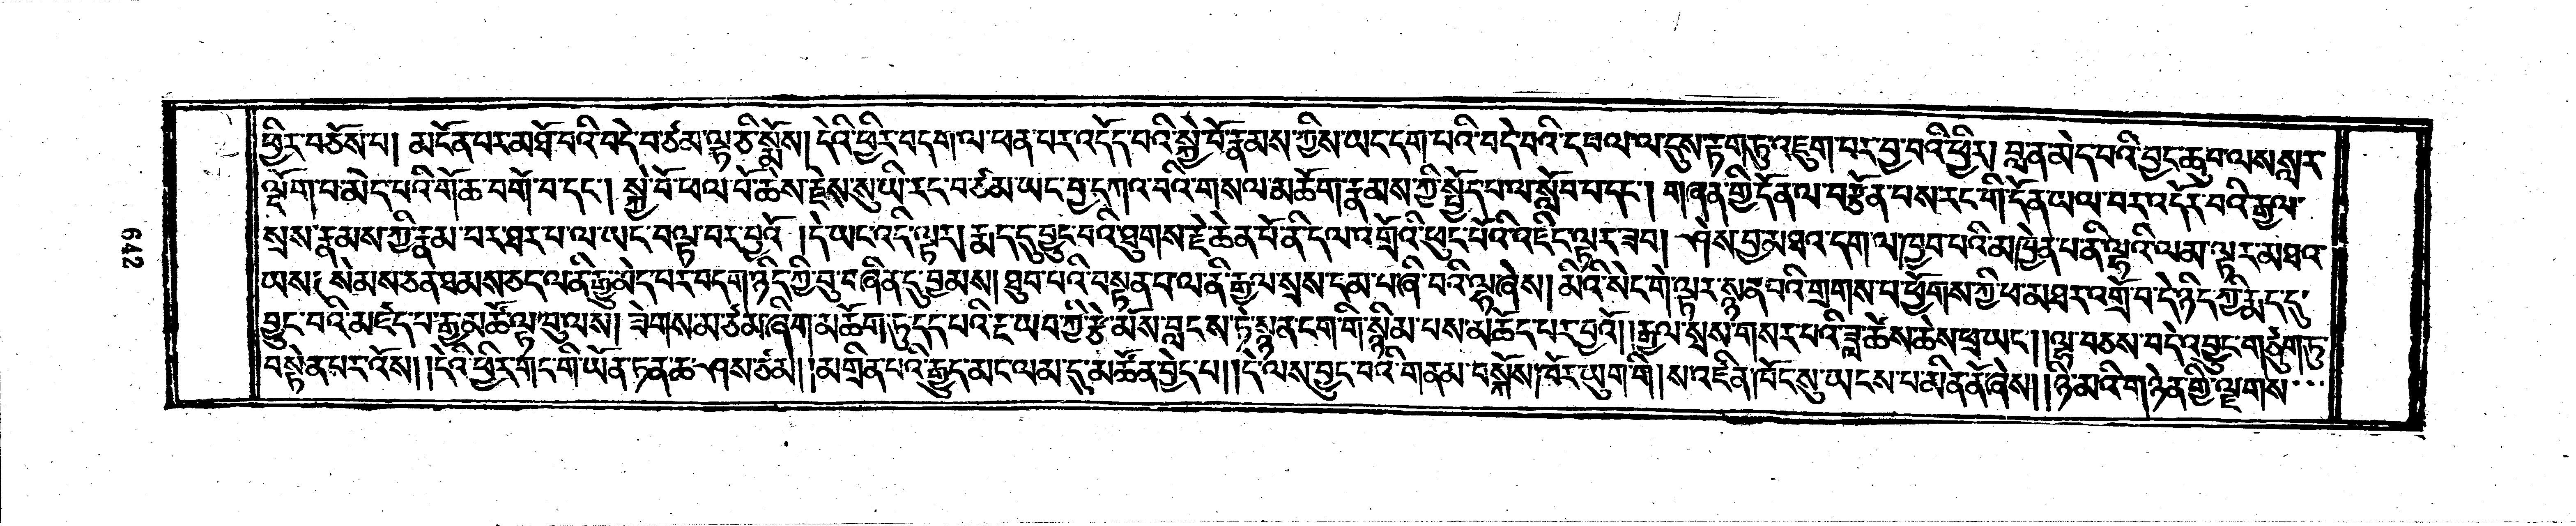ཕྱིར་བཅོས་པ། མངོན་པར་མཐོ་བའི་བདེ་བ་ཙམ་ལྟ་ཅི་སྨོས། དེའི་ཕྱིར་བདག་ལ་ཕན་པར་འདོད་པའི་སྐྱེ་བོ་རྣམས་ཀྱིས་ཡང་དག་པའི་བདེ་བའི་དཔལ་ལ་དུས་རྟག་ཏུ་འཇུག་པར་བྱ་བའི་ཕྱིར། བླ་ན་མེད་པའི་བྱང་ཆུབ་ལས་སླར་
ལྡོག་པ་མེད་པའི་གོ་ཆ་བགོ་བ་དང་། སྐྱེ་བོ་ཕལ་པོ་ཆེས་རྗེས་སུ་ཡི་རང་བ་ཙམ་ཡང་བྱ་དཀའ་བའི་གསལ་མཆོག་རྣམས་ཀྱི་སྤྱོད་པ་ལ་སློབ་པ་དང་། གཞན་གྱི་དོན་ལ་བརྩོན་པས་རང་གི་དོན་ཡལ་བར་འདོར་བའི་རྒྱལ་
སྲས་རྣམས་ཀྱི་རྣམ་པར་ཐར་པ་ལ་ཡང་བལྟ་བར་བྱའོ། །དེ་ཡང་འདི་ལྟར། རྨད་དུ་བྱུང་བའི་ཐུགས་རྗེ་ཆེན་པོ་ནི་དལ་འགྲོའི་ཕུང་པོའི་འཇིང་ལྟར་ཟབ། ཤེས་བྱ་མཐའ་དག་ལ་ཁྱབ་པའི་མཁྱེན་པ་ནི་ལྷའི་ལམ་ལྟར་མཐའ་
ཡས། སེམས་ཅན་ཐམས་ཅད་ལ་ནི་རྒྱུ་མེད་པར་བདག་ཉིད་ཀྱི་བུ་བཞིན་དུ་བྱམས། ཐུབ་པའི་བསྟན་པ་ལ་ནི་རྒྱལ་སྲས་དམ་པ་ཞི་བའི་ལྷ་ཞེས། མིའི་སེང་གི་ལྟར་སྙན་པའི་གྲགས་པ་ཕྱོགས་ཀྱི་ཕ་མཐར་འགྲོ་བ་དེ་ཉིད་ཀྱི་རྨད་དུ་
བྱུང་བའི་མཛད་པ་རྒྱ་མཚོ་ལྟ་བུ་ལས། ཟེགས་མ་ཙམ་ཞིག་མཆོག་ཏུ་དད་པའི་རྔ་ཡབ་ཀྱི་རྩེ་མོས་བླངས་ཏེ་སྙན་ངག་གི་སྙིམ་པས་མཆོད་པར་བྱའོ། །རྒྱལ་སྲས་གསར་པའི་ཟླ་ཚེས་ཆེས་ཕྲ་ཡང་། །ལྷ་བཅས་བདེ་འབྱུང་གཙུག་ཏུ་
བསྟེན་པར་འོས། །དེའི་ཕྱིར་གང་གི་ཡོན་ཏན་ཆ་ཤས་ཙམ། །མགྲིན་པའི་རྒྱུད་མང་ལམ་དུ་མཚོན་བྱེད་པ། །དེ་ལས་བྱུང་བའི་གནམ་བསྐོས་ཁོར་ཡུག་གི །ས་འཛིན་ཁོངས་སུ་ཡངས་པ་མིན་ནོ་ཞེས། །ཉི་མའི་གཉེན་གྱི་ལྗགས་